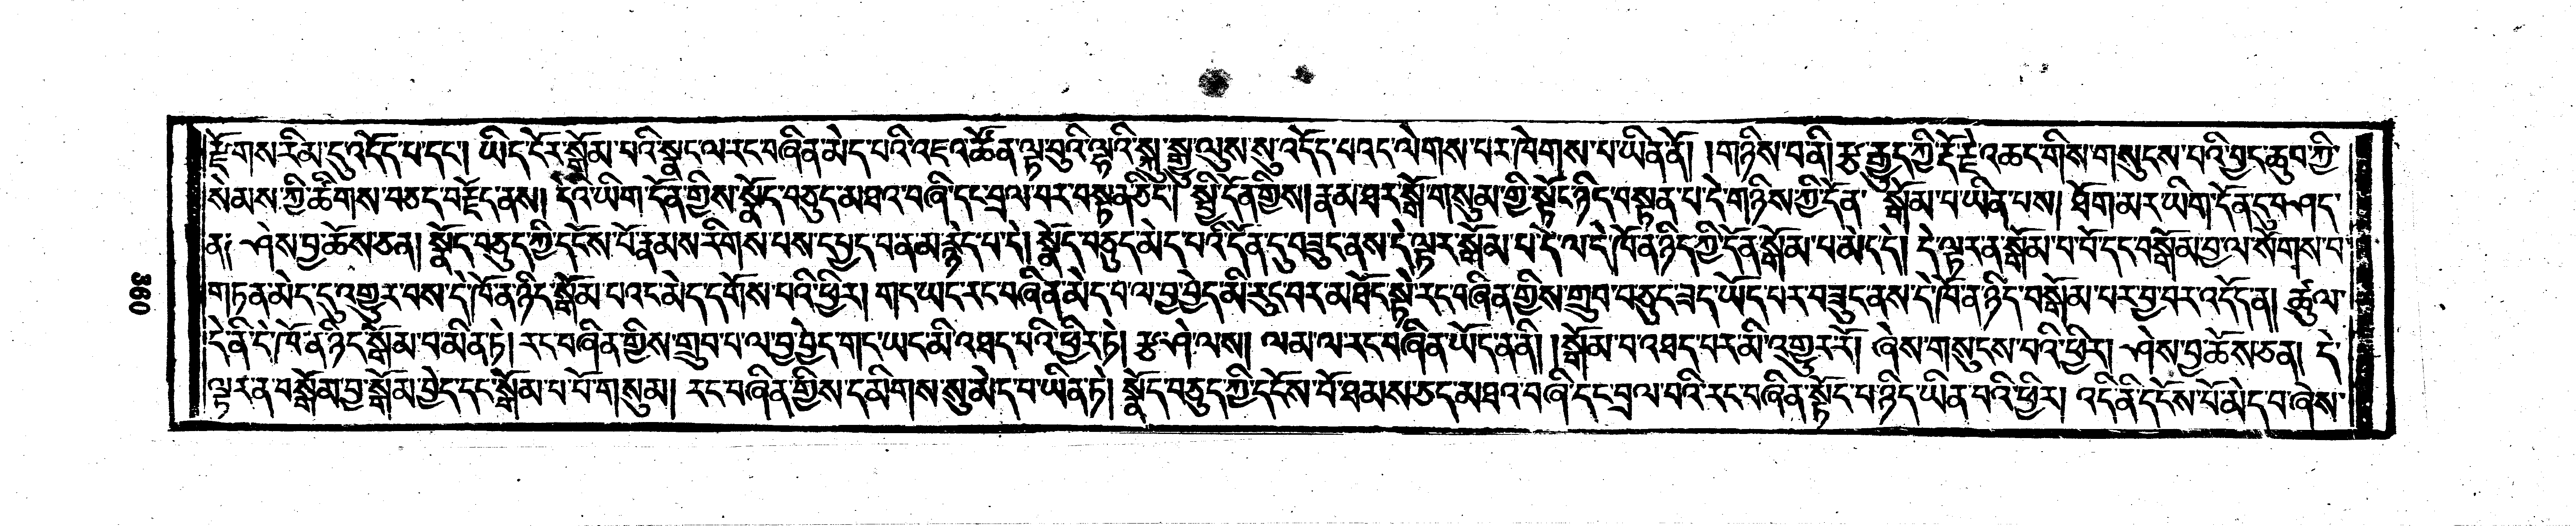རྫོགས་རིམ་དུ་འདོད་པ་དང་། ཡིད་ངོར་སྒོམ་པའི་སྣང་ལ་རང་བཞིན་མེད་པའི་འཇའ་ཚོན་ལྟ་བུའི་ལྷའི་སྐུ་སྒྱུ་ལུས་སུ་འདོད་པའང་ལེགས་པར་ཁེགས་པ་ཡིན་ནོ། །གཉིས་པ་ནི། རྩ་རྒྱུད་ཀྱི་རྡོ་རྗེ་འཆང་གིས་གསུངས་པའི་བྱང་ཆུབ་ཀྱི་
སེམས་ཀྱི་ཚིགས་བཅད་བརྗོད་ནས། དེའི་ཡིག་དོན་གྱིས་སྣོད་བཅུད་མཐའ་བཞི་དང་བྲལ་བར་བསྟན་ཅིང་། སྤྱི་དོན་གྱིས། རྣམ་ཐར་སྒོ་གསུམ་གྱི་སྟོང་ཉིད་བསྟན་པ་དེ་གཉིས་ཀྱི་དོན་སྒོམ་པ་ཡིན་པས། ཐོག་མར་ཡིག་དོན་དུ་བཤད་
ན༑ ཤེས་བྱ་ཆོས་ཅན། སྣོད་བཅུད་ཀྱི་དངོས་པོ་རྣམས་རིགས་པས་དཔྱད་པ་ནམ་རྙེད་པ་དེ། སྣོད་བཅུད་མེད་པའི་དོན་དུ་བཟུང་ནས་དེ་ལྟར་སྒོམ་པ་དེ་ལ་དེ་ཁོ་ན་ཉིད་ཀྱི་དོན་སྒོམ་པ་མེད་དེ། དེ་ལྟར་ན་སྒོམ་པ་པོ་དང་བསྒོམ་བྱ་ལ་སོགས་པ་
གཏན་མེད་དུ་འགྱུར་བས་དེ་ཁོ་ན་ཉིད་སྒོམ་པའང་མེད་དགོས་པའི་ཕྱིར། གང་ཡང་རང་བཞིན་མེད་པ་ལ་བྱ་བྱེད་མི་རུང་བར་མཐོང་སྟེ་རང་བཞིན་གྱིས་གྲུབ་པ་ཅུང་ཟད་ཡོད་པར་བཟུང་ནས་དེ་ཁོ་ན་ཉིད་བསྒོམ་པར་བྱ་བར་འདོད་ན། ཚུལ་
དེ་ནི་དེ་ཁོ་ན་ཉིད་སྒོམ་པ་མིན་ཏེ། རང་བཞིན་གྱིས་གྲུབ་པ་ལ་བྱ་བྱེད་གང་ཡང་མི་འཐད་པའི་ཕྱིར་ཏེ། རྩ་ཤེ་ལས། ལམ་ལ་རང་བཞིན་ཡོད་ན་ནི། །སྒོམ་པ་འཐད་བར་མི་འགྱུར་རོ། ཞེས་གསུངས་པའི་ཕྱིར། ཤེས་བྱ་ཆོས་ཅན། དེ་
ལྟར་ན་བསྒོམ་བྱ་སྒོམ་བྱེད་དང་སྒོམ་པ་པོ་གསུམ། རང་བཞིན་གྱིས་དམིགས་སུ་མེད་པ་ཡིན་ཏེ། སྣོད་བཅུད་ཀྱི་དངོས་པོ་ཐམས་ཅད་མཐའ་བཞི་དང་བྲལ་པའི་རང་བཞིན་སྟོང་པ་ཉིད་ཡིན་པའི་ཕྱིར་འདི་ནི་དངོས་པོ་མེད་པ་ཞེས་